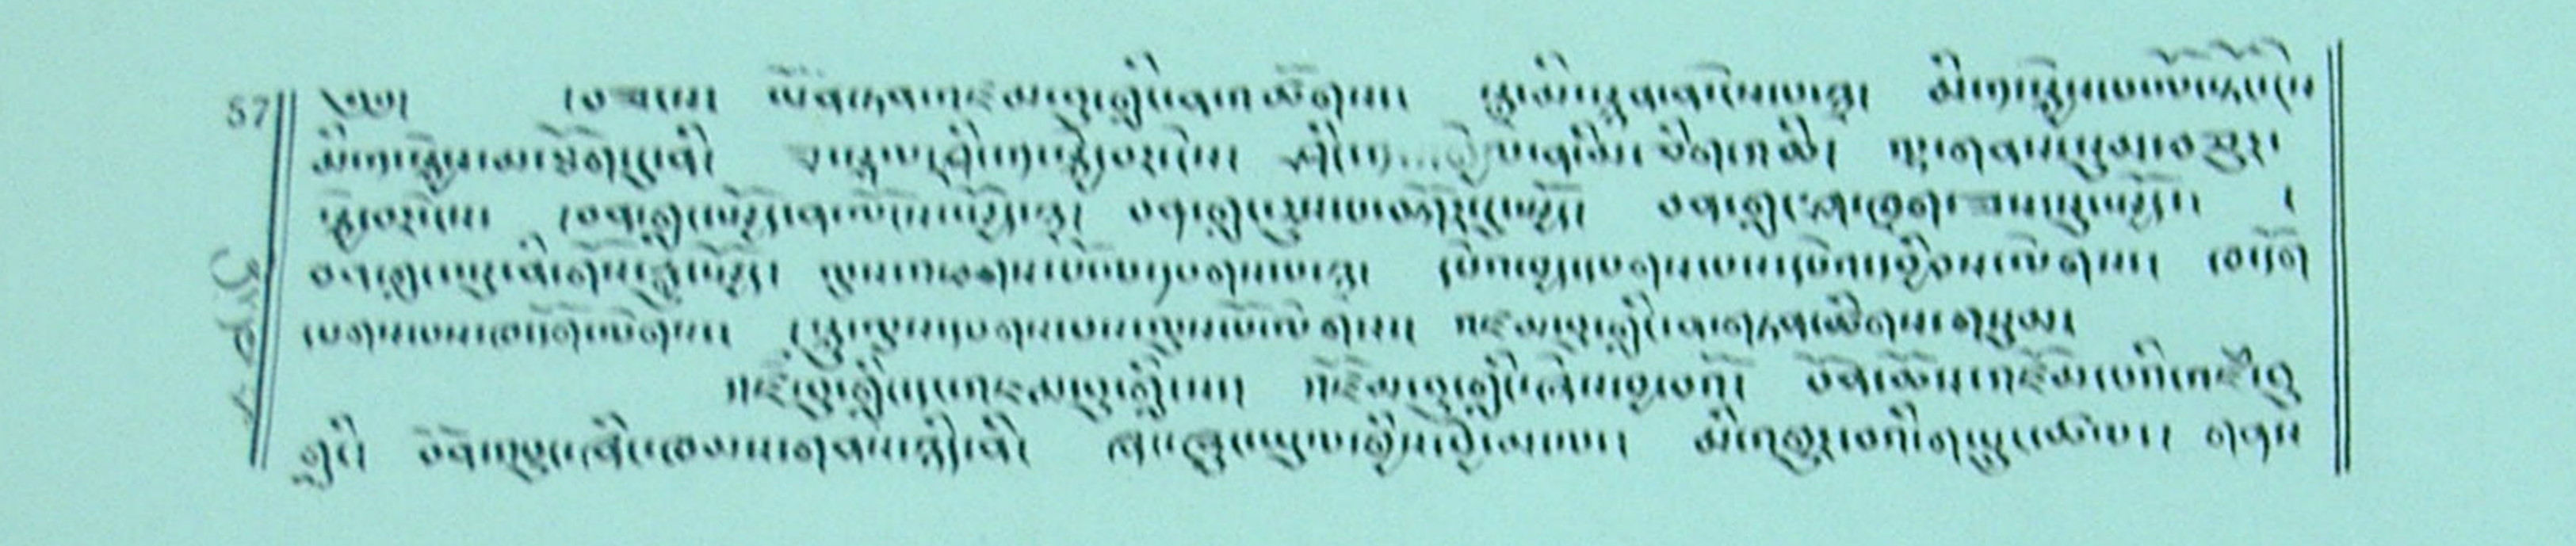༄༅། །བཟང་། ཡོན་ཏན་འཛམ་བུའི་གླིང་ན་འཚོགས། སྒྲ་མི་སྙན་ན་ངེས་པ་གསུམ། མི་གཅིག་སྐྱེས་པ་ལོ་སྟོང་ངེས། 
མི་གཅིག་སྐྱེ་མ་ཐོག་ཏུ་ནི། ཟས་སྐལ་ཤིང་གཅིག་སྐྱེས་པར་ངེས། ཤིང་གཅིག་འགྱེལ་ན་མི་གཅིག་འཆི། ལྷ་གནས་སུམ་བཅུར་
སྐྱེས་པར་ངེས། བ་གླང་སྤྱོད་ནི་ལོངས་སྤྱོད་གསུམ། བན་གླང་རུས་པ་བཀོར་དུ་སྤྱོད། བ་གླང་ཤ་ཁྲག་ཟས་སུ་སྤྱོད།
 བན་གླང་སྤུ་ནི་གོན་རྒྱུ་སྤྱོད། ལུས་འཕགས་པོ་ལ་འཕགས་པ་གསུམ། དཔེ་བྱད་དཔགས་པ་དཔེ་དབྱིབས་ལེགས། ཁ་དོག་
དཔགས་པ་ཁ་ཏོག་ལེགས། སྐུ་ལུས་དཔགས་པས་ལུས་པོ་ལེགས། འཛམ་བུའི་གླིང་ན་གཏན་ཚིགས་གསུམ། 
འཛམ་བུའི་གླིང་དང་འཛམ་བུའི་གླིང་། འཛོམ་བུའི་གླིང་ཞེས་བྱ་བའོ། །བོན་ཆོས་འཛོམ་པའི་འཛམ་བུ་
གླིང་། བོན་འབྱུང་ཞིང་ཁམས་གནས་ཉིད་ནི། ཞང་ཞུང་ཡུལ་གྱིས་བྱེ་མ་ལ། མི་འགྱུར་བ་ཡི་གཡུང་དྲུང་ཚལ། གནས་